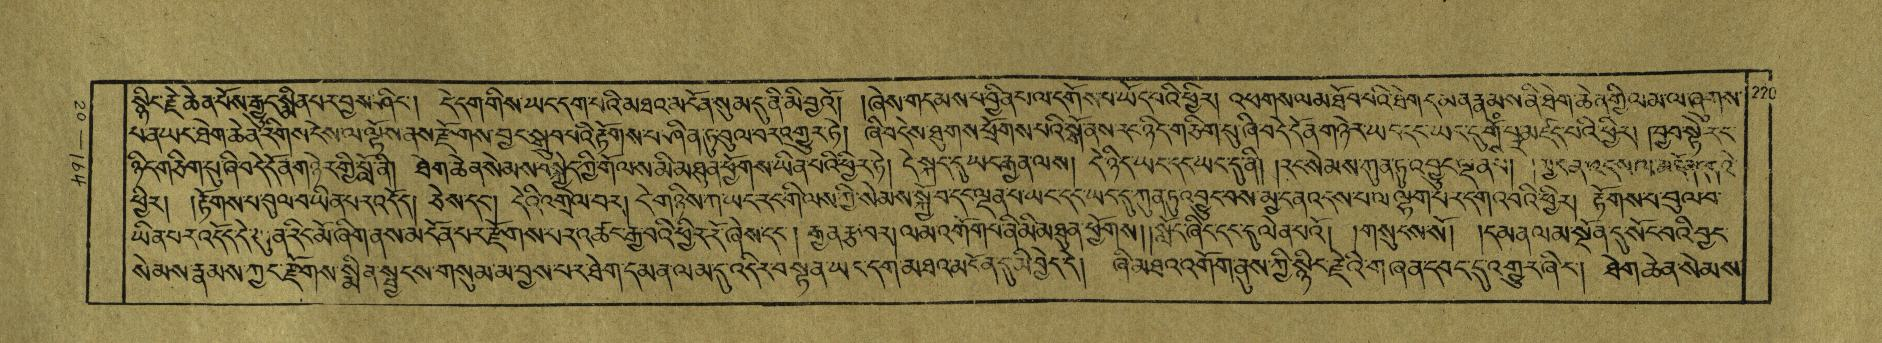སྙིང་རྗེ་ཆེན་པོས་རྒྱུད་སྨིན་པར་བྱས་ཤིང་། དེ་དག་གིས་ཡང་དག་པའི་མཐའ་མངོན་སུམ་དུ་ནི་མི་བྱའོ། །ཞེས་གདམས་པ་བྱིན་པ་ལ་དགོས་པ་ཡོད་པའི་ཕྱིར། འཕགས་ལམ་ཐོབ་པའི་ཐེག་དམན་རྣམས་ནི་ཐེག་ཆེན་གྱི་ལམ་ལ་ཞུགས་
པ་ན་ཡང་ཐེག་ཆེན་རིགས་ངེས་ལ་ལྟོས་ནས་རྫོགས་བྱང་སྒྲུབ་པའི་རྟོགས་པ་ཤིན་ཏུ་བུལ་བར་འགྱུར་ཏེ། ཞི་བ་དེས་ཐུགས་ཕྲོགས་པའི་སྒོ་ནས་རང་ཉིད་གཅིག་པུ་ཞི་བདེ་དོན་གཉེར་ཡང་དང་ཡང་དུ་གོཾ་པར་མཛད་པའི་ཕྱིར། ཁྱབ་སྟེ་རང་
ཉིད་གཅིག་པུ་ཞི་བདེ་དོན་གཉེར་གྱི་བློ་ནི། ཐེག་ཆེན་སེམས་བསྐྱེད་ཀྱི་གོ་ལས་མི་མཐུན་ཕྱོགས་ཡིན་པའི་ཕྱིར་ཏེ། དེ་སྐད་དུ་ཡང་རྒྱན་ལས། དེ་ཉིད་ཡང་དང་ཡང་དུ་ནི། །རང་སེམས་ཀུན་ཏུ་འབྱུང་ལྡན་པ། །མྱ་ངན་འདས་ལ་མངོན་དགའི་
ཕྱིར། །རྟོགས་པ་བུལ་བ་ཡིན་པར་འདོད། ཅེས་དང་། དེའི་འགྲེལ་བར། དེ་གཉིས་ཀ་ཡང་རང་གི་ལས་ཀྱི་སེམས་སྐྱོ་བ་དང་ལྡན་པ་ཡང་དང་ཡང་དུ་ཀུན་ཏུ་འབྱུང་བས་མྱ་ངན་འདས་པ་ལ་ལྷག་པར་དགའ་བའི་ཕྱིར། རྟོགས་པ་བུལ་བ་
ཡིན་པར་འདོད་དེ་ཡུན་རིང་མོ་ཞིག་ནས་མངོན་པར་རྫོགས་པར་འཚང་རྒྱ་བའི་ཕྱིར་རོ་ཞེས་དང་། རྒྱན་རྩ་བར། ལམ་འགོག་པ་ནི་མི་མཐུན་ཕྱོགས། །སློང་ཞིང་དང་དུ་ལེན་པའོ། །གསུངས་སོ། །དམན་ལམ་སྔོན་དུ་སོང་བའི་བྱང་
སེམས་རྣམས་ཀྱང་རྫོགས་སྨིན་སྦྱངས་གསུམ་མ་བྱས་པར་ཐེག་དམན་ལམ་དུ་འདིར་བསྟན་ཡང་དག་མཐའ་མངོན་དུ་མི་བྱེད་དེ། ཞི་མཐའ་འགོག་ནུས་ཀྱི་སྙིང་རྗེའི་གཞན་དབང་དུ་འགྱུར་ཞིང་། ཐེག་ཆེན་སེམས་